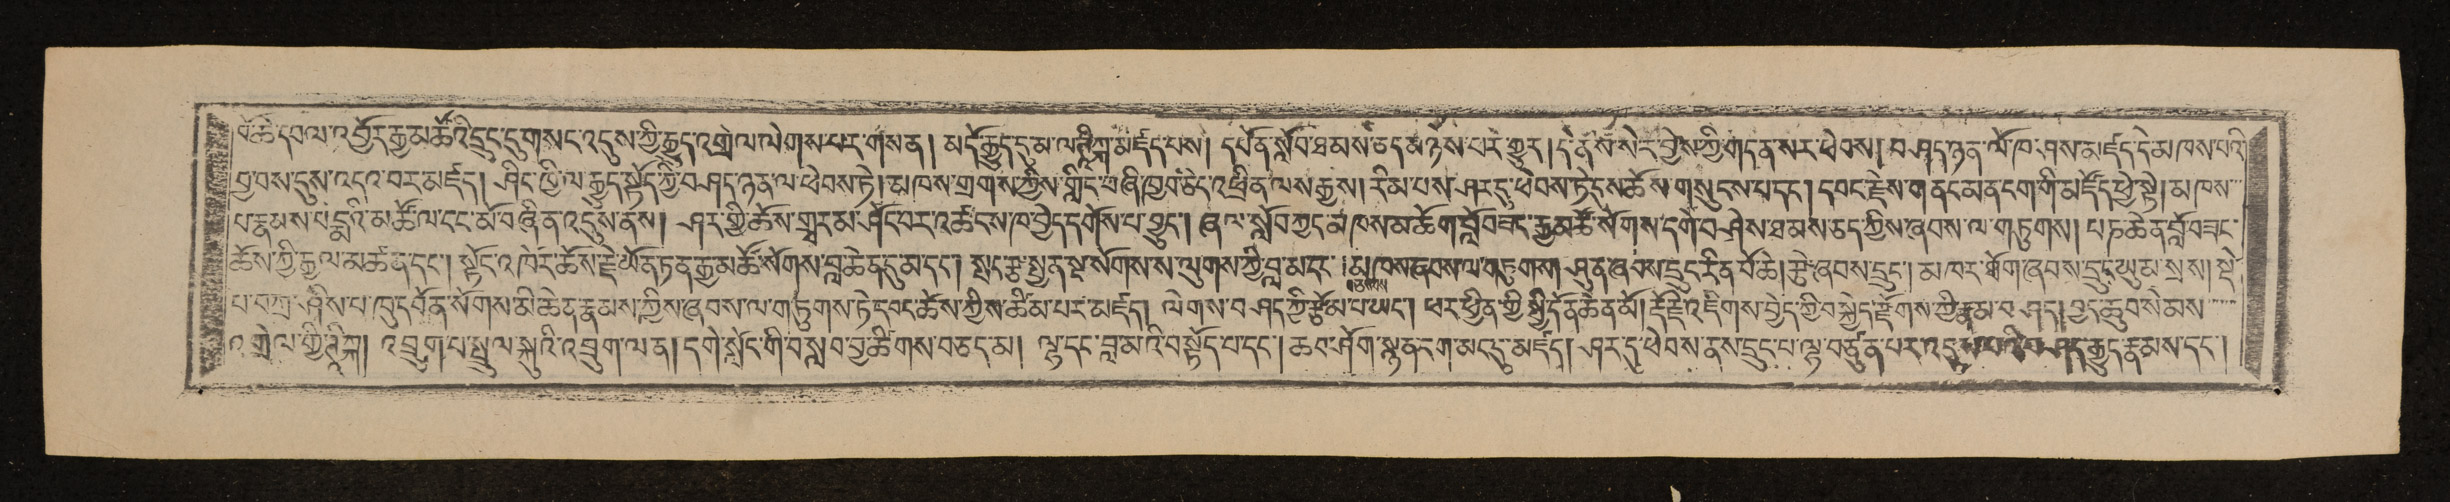པོ་ཆེ་དཔལ་འབྱོར་རྒྱ་མཚོའི་དྲུང་དུ་གསང་འདུས་ཀྱི་རྒྱུད་འགྲེལ་ལེགས་པར་གསན། མདོ་རྒྱུད་དུ་མ་ལ་ཊཱིཀྐ་མཛད་པས། དཔོན་སློབ་ཐམས་ཅད་མཉེས་པར་གྱུར། དེ་ནས་སེར་བྱེས་ཀྱི་གདན་སར་ཕེབས། བཤད་ཉན་ལོ་ཁ་ཤས་མཛད་དེ་མཁས་པའི་
བྱ་བས་དུས་འདའ་བར་མཛད། ཤིང་ཁྱི་ལ་རྒྱུད་སྟོད་ཀྱི་བཤད་ཉན་ལ་ཕེབས་ཏེ། མཁས་གྲགས་ཀྱིས་གླིང་བཞི་ཁྱབ་ཅིང་འཕྲིན་ལས་རྒྱས། རིམ་པས་ཤར་དུ་ཕེབས་ཏེ་དུས་ཆོས་གསུངས་པ་དང་། དབང་རྗེས་གནང་མན་ངག་གི་མཛོད་ཕྱེ་སྟེ། མཁས་
པ་རྣམས་པདམའི་མཚོ་ལ་དང་མོ་བཞིན་འདུས་ནས། ཤར་གྱི་ཆོས་གྲྭར་མ་ཤོང་བར་འཚངས་ཁ་བྱེད་དགོས་པ་བྱུང་། ཞལ་སློབ་ཀྱང་མཁས་མཆོག་བློ་བཟང་རྒྱ་མཚོ་སོགས་དགེ་བཤེས་ཐམས་ཅད་ཀྱིས་ཞབས་ལ་གཏུགས། པཎ་ཆེན་བློ་བཟང་
ཆོས་ཀྱི་རྒྱལ་མཚན་དང་། སྟོང་འཁོར་ཆོས་རྗེ་ཡོན་ཏན་རྒྱ་མཚོ་སོགས་བླ་ཆེན་དུ་མ་དང་། སྤང་རྩ་སྤྱན་སྔ་སོགས་ས་ལུགས་ཀྱི་བླ་མ་དང་བཅས་པས་ཞབས་ལ་གཏུགས། ཤུན་ཞབས་དྲུང་རིན་པོ་ཆེ། རྩེ་ཞབས་དྲུང་། མཁར་ཐོག་ཞབས་དྲུང་ཡུམ་སྲས། སྡེ་
པ་བཀྲ་ཤིས་པ་ཁུ་དཔོན་སོགས་མི་ཆེན་རྣམས་ཀྱིས་ཞབས་ལ་གཏུགས་ཏེ་དབང་ཆོས་ཀྱིས་ཚམ་པར་མཛད། ལེགས་བཤད་ཀྱི་རྩོམ་པ་ཡང་། ཕར་ཕྱིན་གྱི་སྤྱི་དོན་ཆེན་མོ། རྡོ་རྗེ་འཇིགས་བྱེད་ཀྱི་བསྐྱེད་རྫོགས་ཀྱི་རྣམ་བཤད། བྱང་ཆུབ་སེམས་
འགྲེལ་གྱི་ཊཱིཀྐ། འབྲུག་པ་སྤྲུལ་སྐུའི་འབྲུག་ལ་ན། དགེ་སློང་གི་བསླབ་བྱ་ཚིགས་བཅད་མ། ལྷ་དང་བླ་མའི་བསྟོད་པ་དང་། ཆབ་ཤོག་སྙན་ངག་མང་དུ་མཛད། ཤར་དུ་ཕེབས་ནས་དྲུང་བ་ལྷ་བཙུན་པར་འདུས་པའི་བཤད་རྒྱུད་རྣམས་དང་།